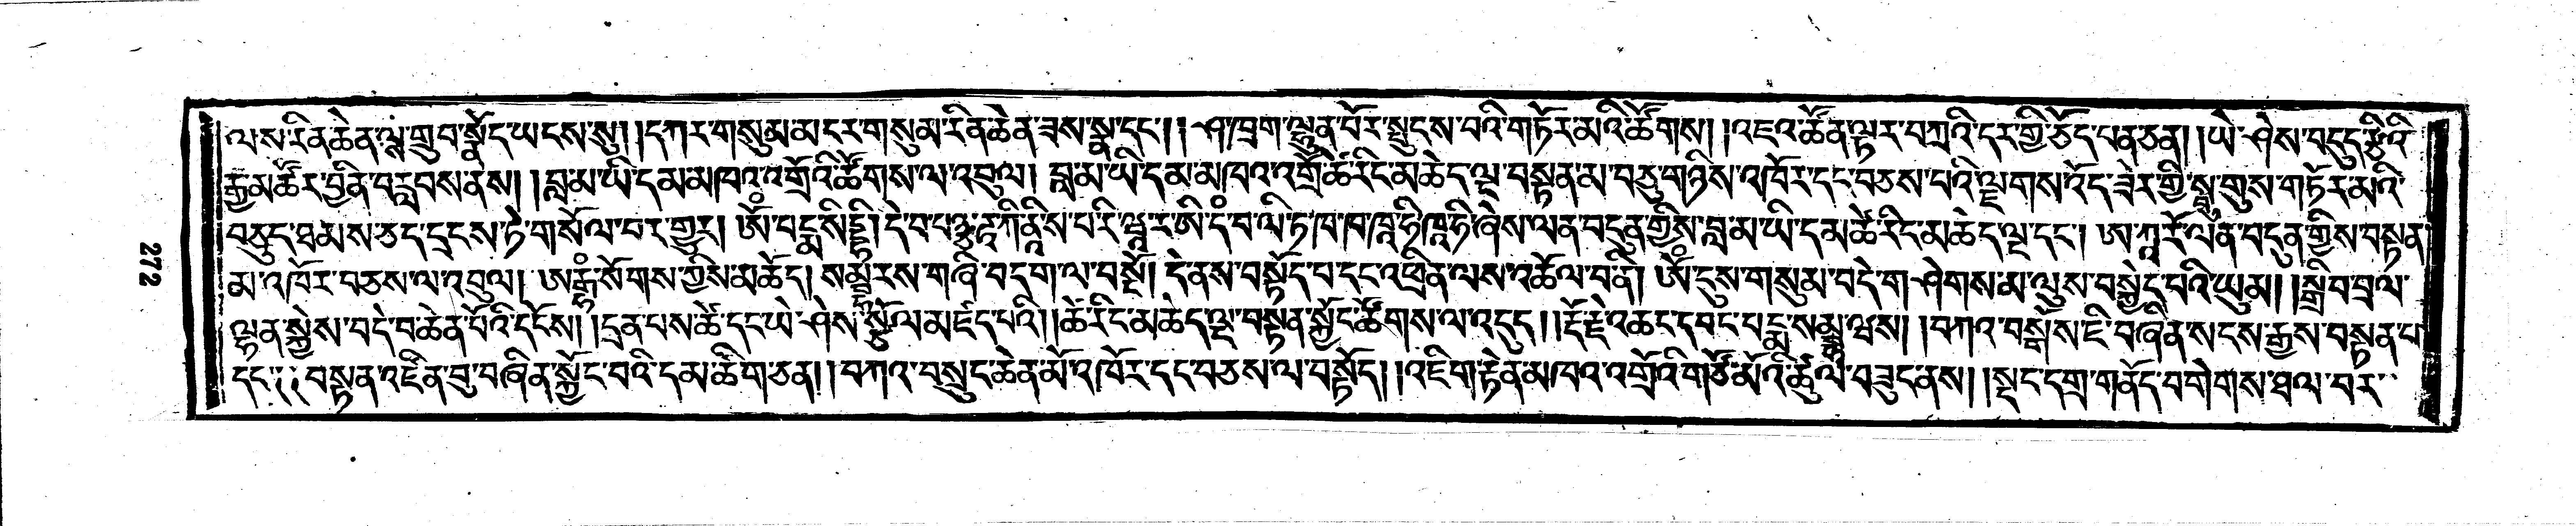ལས་རིན་ཆེན་ལས་གྲུབ་སྣོད་ཡངས་སུ། །དཀར་གསུམ་མངར་གསུམ་རིན་ཆེན་ཟས་སྣ་དང་། །ཤ་ཁྲག་ལྷུན་པོར་སྤུངས་པའི་གཏོར་མའི་ཚོགས། །འཇའ་ཚོན་ལྟར་བཀྲའི་དར་གྱི་ཅོད་པན་ཅན། །ཡེ་ཤེས་བདུད་རྩིའི་
རྒྱ་མཚོར་བྱིན་བརླབས་ནས། །བླ་མ་ཡི་དམ་མཁའ་འགྲོའི་ཚོགས་ལ་འབུལ། །བླ་མ་ཡི་དམ་མཁའ་འགྲོ་ཚེ་རིང་མཆེད་ལྔ་བསྟན་མ་བཅུ་གཉིས་འཁོར་དང་བཅས་པའི་ལྗགས་འོད་ཟེར་གྱི་སྦུ་གུས་གཏོར་མའི་
བཅུད་ཐམས་ཅད་དྲངས་ཏེ་གསོལ་བར་གྱུར། ཨོཾ་པདམ་སིདྡྷི། དེ་བ་པཉྩ་ཌཱ་ཀི་ནཱི་ས་པ་རི་ཝཱ་ར་ཨི་དཾ་བ་ལིཾ་ཏ་ཁ་ཁ་ཁཱ་ཧི་ཁཱ་ཧི་ཞེས་ལན་བདུན་གྱིས་བླ་མ་ཡི་དམ་ཚེ་རིང་མཆེད་ལྔ་དང་། ཨ་ཀཱ་རོ་ལན་བདུན་གྱིས་བསྟན་
མ་འཁོར་བཅས་ལ་འབུལ། ཨརྒྷཾ་སོགས་ཀྱིས་མཆོད། སམྦྷ་རས་གཞི་བདག་ལ་བསྔོ། དེ་ནས་བསྟོད་པ་དང་འཕྲིན་ལས་འཆོལ་བ་ནི། ཨོཾ་དུས་གསུམ་བདེ་གཤེགས་མ་ལུས་བསྐྱེད་པའི་ཡུམ། །སྒྲིབ་བྲལ་
ལྷན་སྐྱེས་བདེ་བ་ཆེན་པོའི་དངོས། །དྲན་པས་ཚེ་དང་ཡེ་ཤེས་སྩོལ་མཛད་པའི། །ཚེ་རིང་མཆེད་ལྔ་བསྟན་སྐྱོང་ཚོགས་ལ་འདུད། །རྡོ་རྗེ་འཆང་དབང་པདམ་སམྦྷ་ཝས། །བཀའ་བསྒོས་ཇི་བཞིན་སངས་རྒྱས་བསྟན་པ་
དང༑ ༑བསྟན་འཛིན་བུ་བཞིན་སྐྱོང་བའི་དམ་ཚིག་ཅན། །བཀའ་བསྲུང་ཆེན་པོ་འཁོར་དང་བཅས་ལ་བསྟོད། །འཇིག་རྟེན་མཁའ་འགྲོའི་གཙོ་མོའི་ཚུལ་བཟུང་ནས། །སྡང་དགྲ་གནོད་བགེགས་ཐལ་བར་